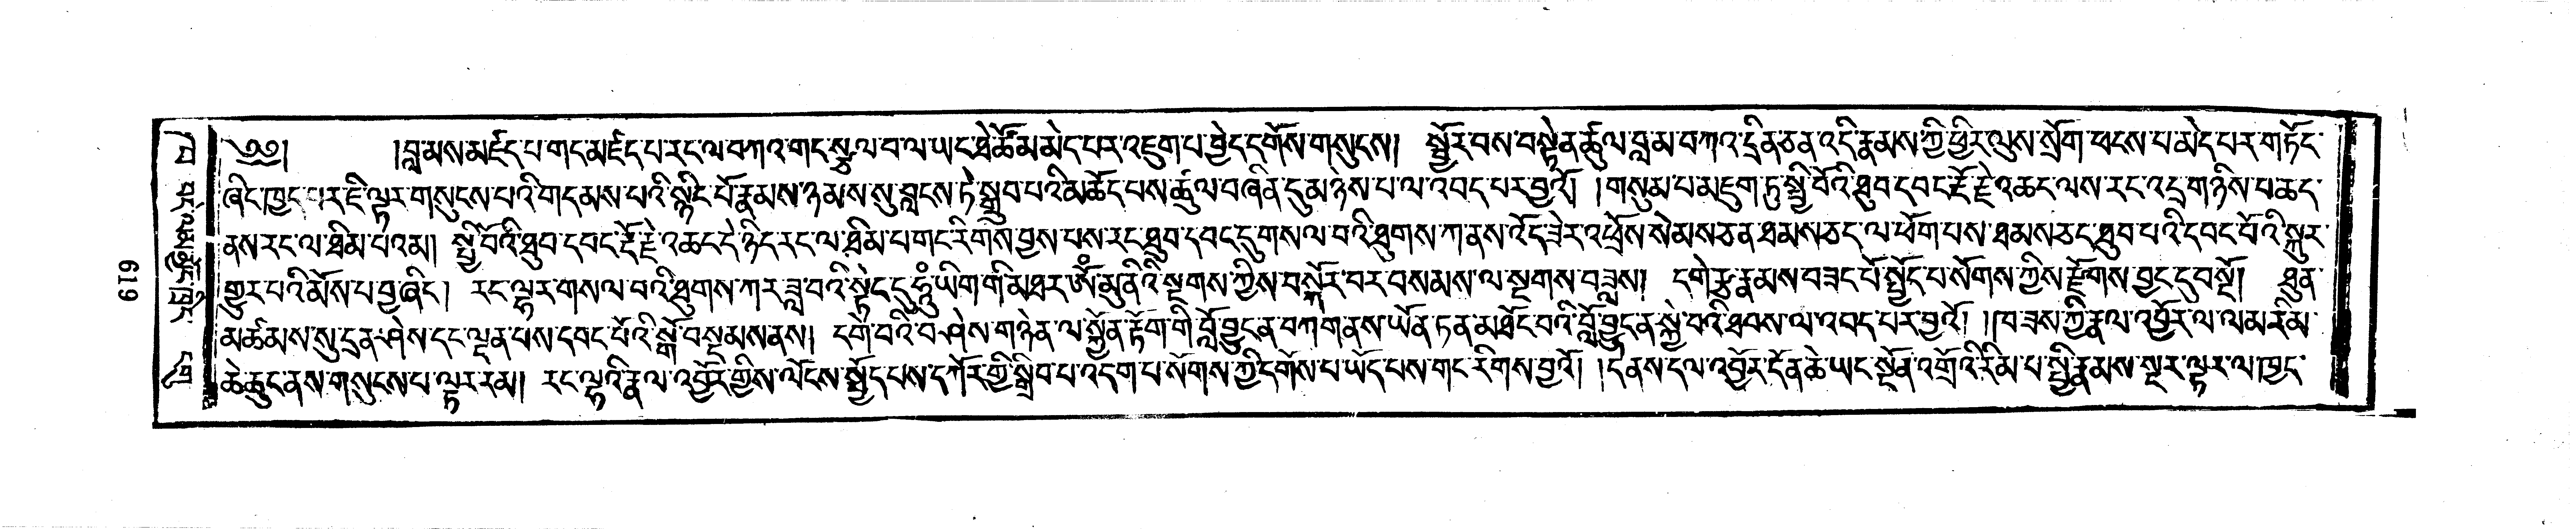༄༅། །བླ་མས་མཛད་པ་གང་མཛད་པ་རང་ལ་བཀའ་གང་སྩལ་བ་ལ་ཡང་ཐེ་ཚོམ་མེད་པར་འཇུག་པ་བྱེད་དགོས་གསུངས། སྦྱོར་བས་བསྟེན་ཚུལ་བླ་མ་བཀའ་དྲིན་ཅན་འདི་རྣམས་ཀྱི་ཕྱིར་ལུས་སྲོག་ཕངས་པ་མེད་པར་གཏོང་
ཞིང་ཁྱད་པར་ཇི་ལྟར་གསུངས་པའི་གདམས་པའི་སྙིང་པོ་རྣམས་ཉམས་སུ་བླངས་ཏེ་སྒྲུབ་པའི་མཆོད་པས་ཚུལ་བཞིན་དུ་མཉེས་པ་ལ་འབད་པར་བྱའོ། །གསུམ་པ་མཇུག་ཏུ་སྦྱི་བོའི་ཐུབ་དབང་རྡོ་རྗེ་འཆང་ལས་རང་འདྲ་གཉིས་པ་ཆད་
ནས་རང་ལ་ཐིམ་པའམ། སྤྱི་བོའི་ཐུབ་དབང་རྡོ་རྗེ་འཆང་དེ་ཉིད་རང་ལ་ཐིམ་པ་གང་རིགས་བྱས་པས་རང་ཐུབ་དབང་དུ་གསལ་བའི་ཐུགས་ཀ་ནས་འོད་ཟེར་འཕྲོས་སེམས་ཅན་ཐམས་ཅད་ལ་ཕོག་པས་ཐམས་ཅད་ཐུབ་པའི་དབང་པོའི་སྐུར་
གྱུར་པའི་མོས་པ་བྱ་ཞིང་། རང་ལྷར་གསལ་བའི་ཐུགས་ཀར་ཟླ་བའི་སྟེང་དུ་ཧཱུཾ་ཡིག་གི་མཐར་ཨོཾ་མུ་ནིའི་སྔགས་ཀྱིས་བསྐོར་བར་བསམས་ལ་སྔགས་བཟླས། དགེ་རྩ་རྣམས་བཟང་པོ་སྦྱོང་བ་སོགས་ཀྱིས་རྫོགས་བྱང་དུ་བསྔོ། ཐུན་
མཚམས་སུ་དྲན་ཤེས་དང་ལྡན་པས་དབང་པོའི་སྒོ་བསྔམས་ནས། དགེ་བའི་བཤེས་གཉེན་ལ་སྐྱོན་རྟོག་གི་བློ་བྱུང་ན་བཀག་ནས་ཡོན་ཏན་མཐོང་བའི་བློ་བྱུང་ན་སྐྱེ་བའི་ཐབས་ལ་འབད་པར་བྱའོ། །ཁ་ཟས་ཀྱི་རྣལ་འབྱོར་ལ་ལམ་རིམ་
ཆེ་ཆུང་ནས་གསུངས་པ་ལྟར་རམ། རང་ལྷའི་རྣལ་འབྱོར་གྱིས་ལོངས་སྤྱོད་པས་དཀོར་གྱི་སྒྲིབ་པ་འདག་པ་སོགས་ཀྱི་དགོས་པ་ཡོད་པས་གང་རིགས་བྱའོ། །དེ་ནས་དལ་འབྱོར་དོན་ཆེ་ཡང་སྔོན་འགྲོའི་རིམ་པ་སྦྱི་རྣམས་སྔར་ལྟར་ལ་ཁྱད་